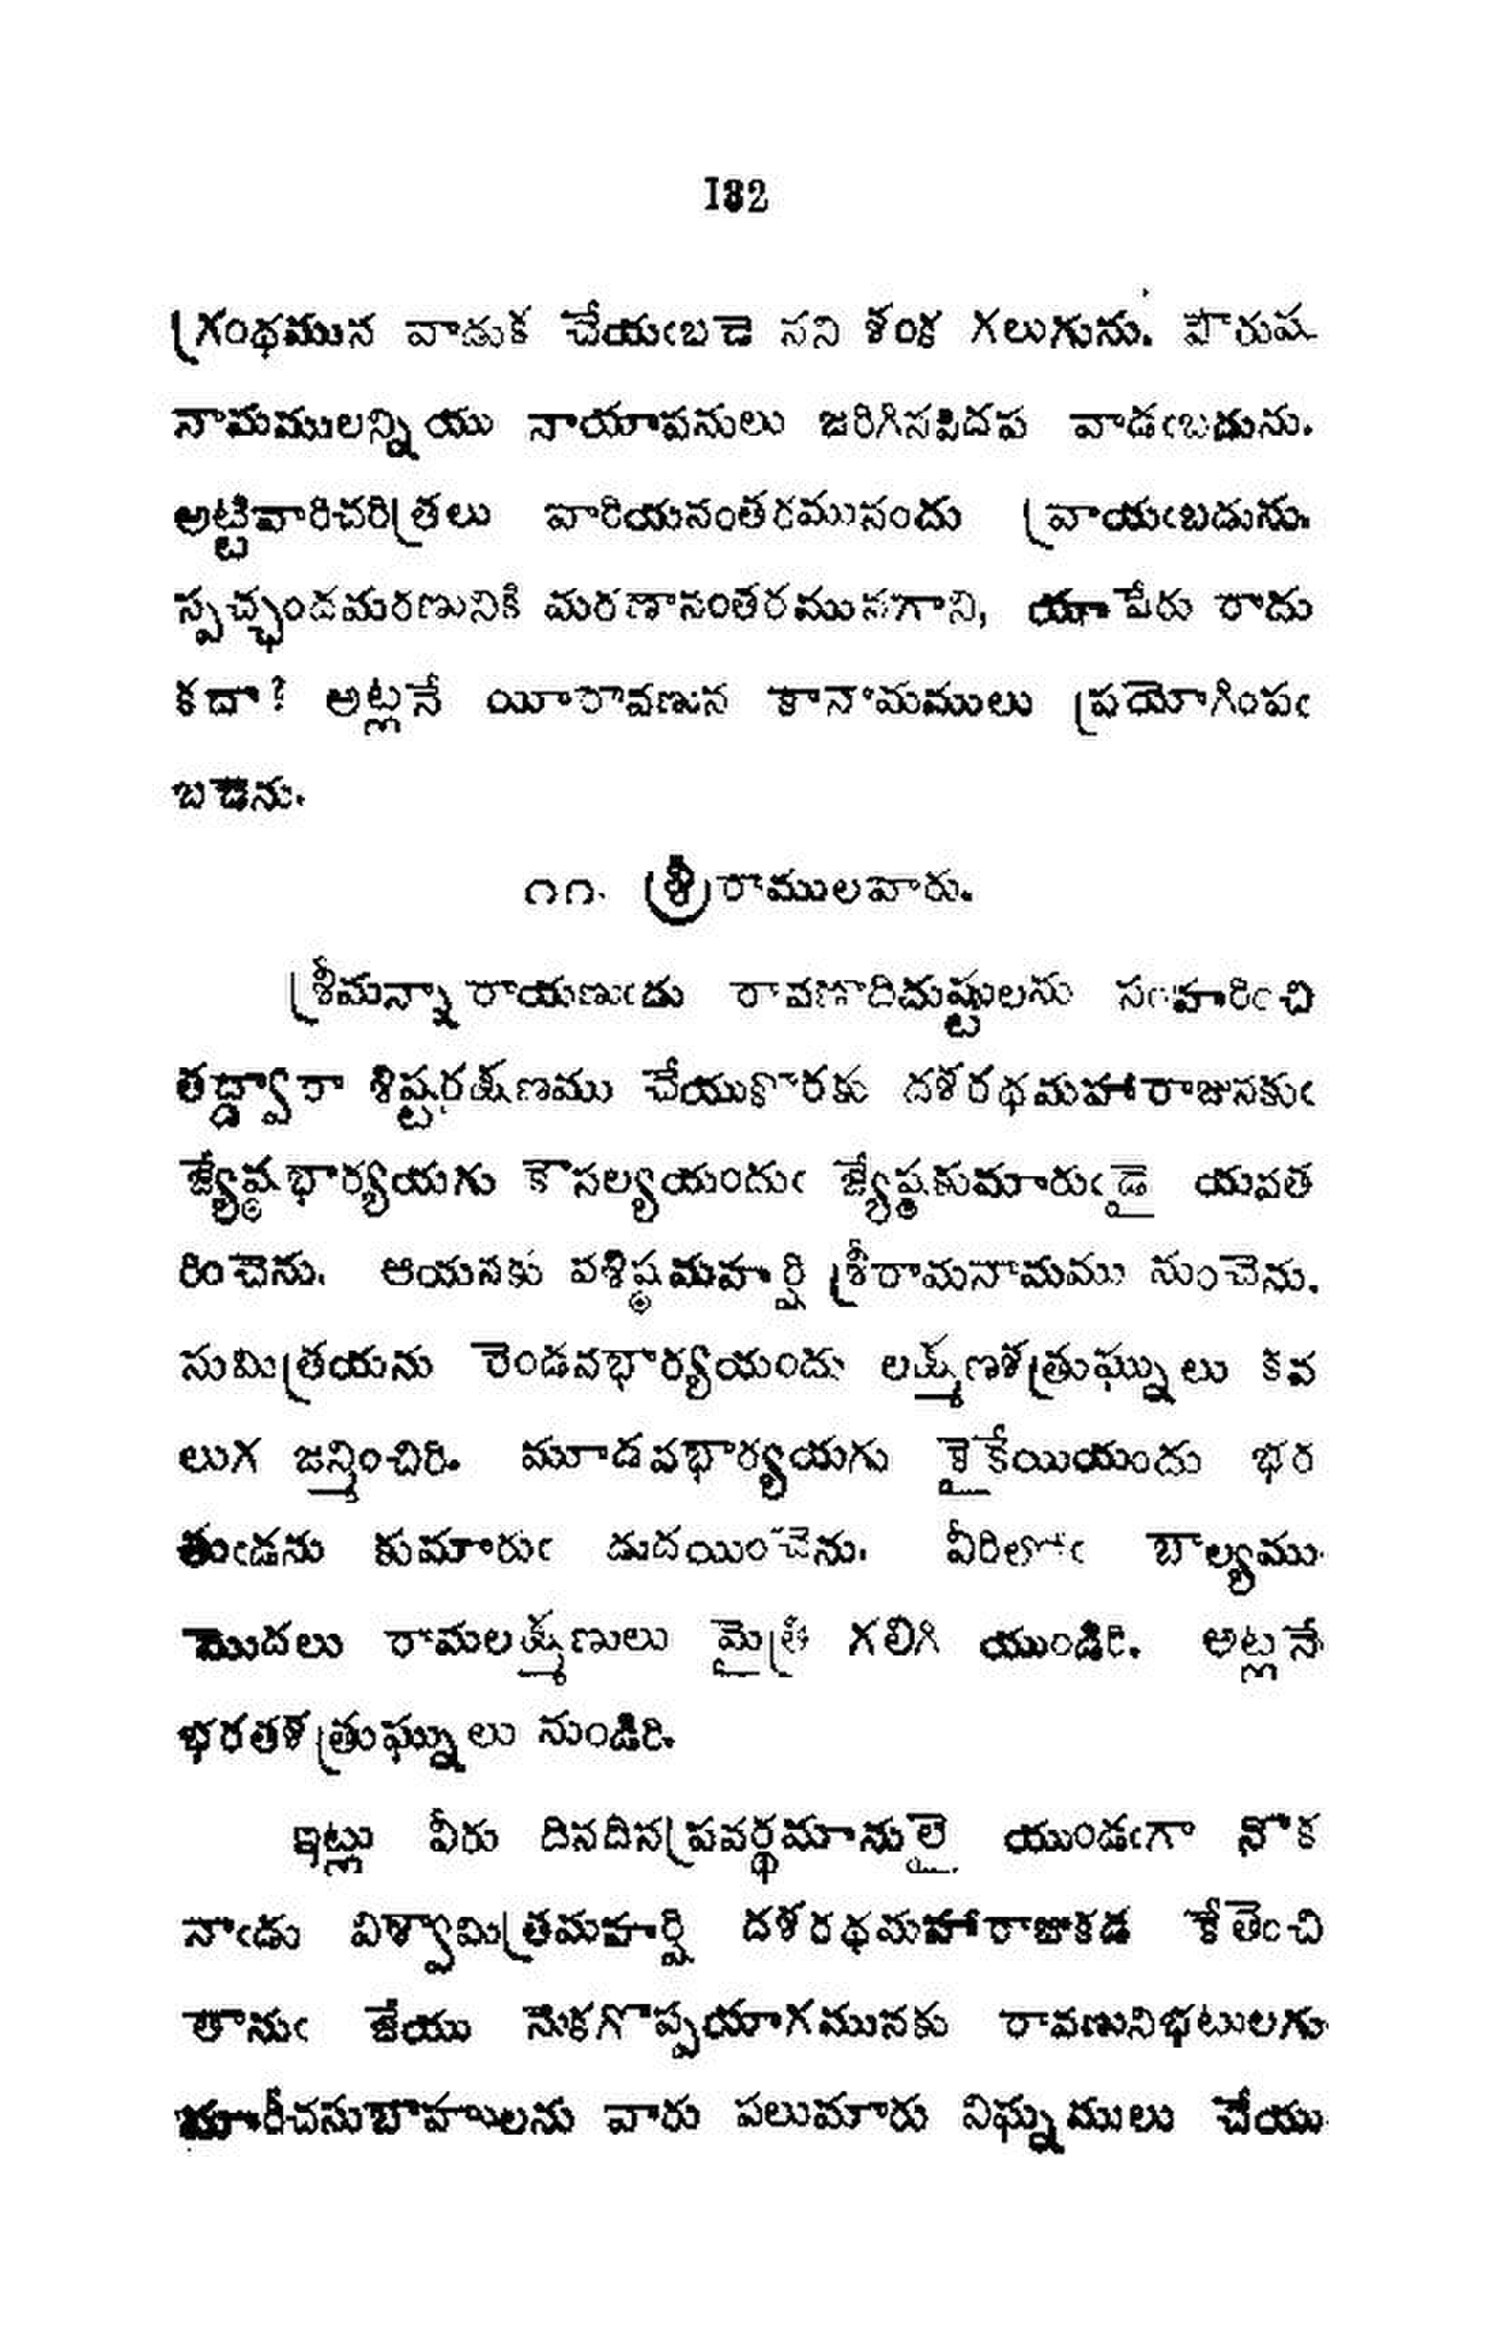గ్రంథమున వాడుక చేయఁబడె నని శంక గలుగును. పౌరుష నామములన్నియు నాయాపనులు జరిగినపిదప వాడఁబడును. అట్టివారిచరిత్రలు వారియనంతరమునందు వ్రాయఁబడును.
స్పచ్ఛందమరణునికి మరణానంతరమునగాని, యాపేరు రాదు కదా! అట్లనే యీరావణున కానామములు ప్రయోగింపఁబడెను.

శ్రీమన్నారాయణుఁడు రావణాదిదుష్టులను సంహరించి తద్వారా శిష్టరక్షణము చేయుకొరకు దశరథమహారాజునకుఁ జ్యేష్ఠ భార్యయగు కౌసల్యయందుఁ జ్యేష్ఠకుమారుఁడై యవతరించెను. ఆయనకు పశిష్ఠమహర్షి శ్రీరామనామము నుంచెను. సుమిత్రయను రెండవభార్యయందు. లక్ష్మణశత్రుఘ్నులు కవలుగ జన్మించిరి. మూడవభార్యయగు కైకేయియందు భరతుఁడను కుమారుఁ డుదయించెను. వీరిలోఁ బాల్యము మొదలు రామలక్ష్మణులు మైత్రి గలిగి యుండిరి. అట్లనే
భరతశత్రుఘ్నులు నుండిరి.

ఇట్లు వీరు దినదినప్రవర్థమానులై యుండఁగా నొకనాఁడు విశ్వామిత్రమహర్షి దశరథమహారాజుకడ కేతెంచి తానుఁ జేయు నొకగొప్పయాగమునకు రావణునిభటులగు మారీచసుబాహులను వారు పలుమారు విఘ్నములు చేయు